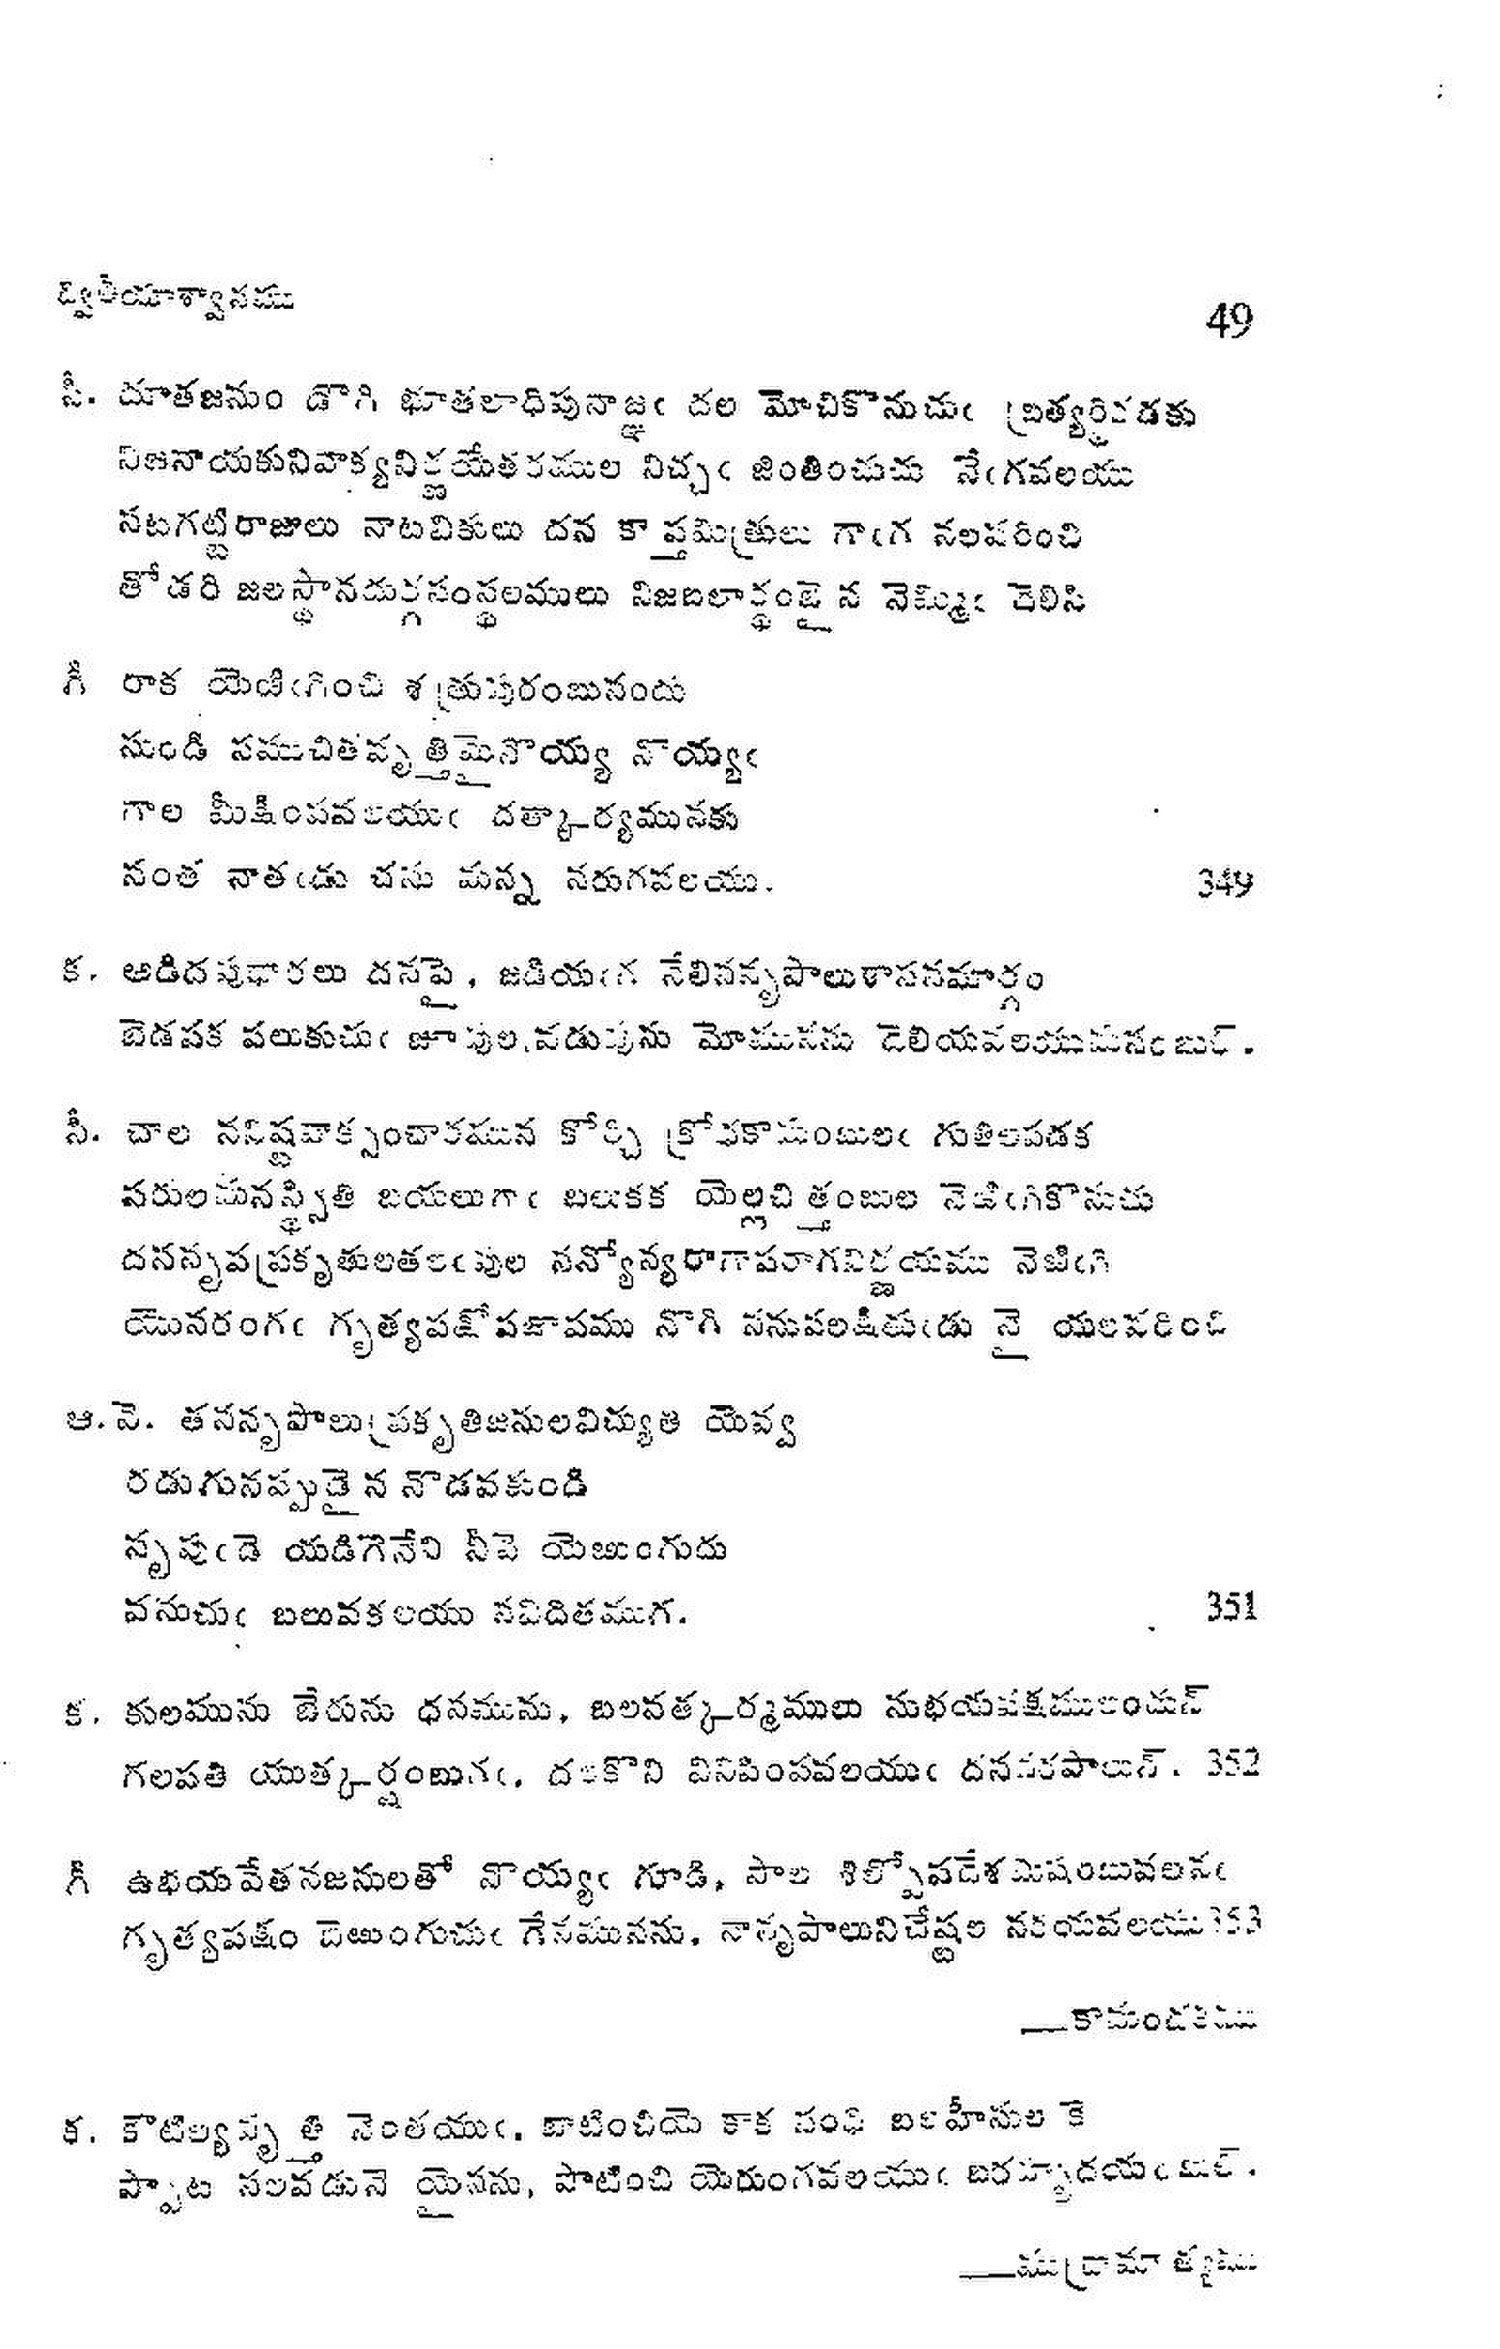సీ. దూతజనుం డొగి భూతలాధిపునాజ్ఞఁ
దల మోచికొనుచుఁ బ్రత్యర్థికడకు
నిజనాయకునివాక్యనిర్ణయేతరముల
నిచ్చఁ జింతించుచు వేఁగవలయు
నటగట్టి రాజులు నాటవికులు దన
కాప్తమిత్రులు గాఁగ నలవరించి
తొడరి జలస్థానదుర్గసంస్థలములు
నిజబలార్థంబైన నెమ్మిఁ దెలిపి
గీ. రాక యెఱిగించి శత్రుపురంబునందు
నుండి సముచితవృత్తిమైనొయ్య నొయ్యఁ
గాల మీక్షింపవలయుఁ దత్కార్యమునకు
నంత నాతఁడు చను మన్న నరుగవలయు. 349

క. అడిదపుధారలు దనపై
జడియఁగ నేలిననృపాలుశాసనమార్గం
బెడపక పలుకుచుఁ జూపుల
వడువును మోమునను దెలియవలయు మనంబుల్. 350

సీ. చాల ననిష్టవాక్సంచారమున కోర్చి
క్రోధకామంబులఁ గుతిలపడక
పరులమనస్స్ధితి బయలుగాఁ బలుకక
యెల్లచిత్తంబుల నెఱిఁగికొనుచు
దననృపప్రకృతులతలఁపుల నన్యోన్య
రాగాపరాగనిర్ణయము నెఱిఁగి
యొనరంగఁ గృత్యపక్షోపజాపము నొగి
ననుపలక్షితుఁడు నై యలవరించి
ఆ. తననృపాలుప్రకృతిజనులవిచ్యుతి యెవ్వ
రడుగునప్పుడైన నొడవకుండి
నృపుఁడె యడిగెనేని నీవె యెఱుంగుదు
వనుచుఁ బలుకవలయు నవిదితముగ. 351

క. కులమును బేరును ధనమును
బలవత్కర్మములు నుభయపక్షములందున్
గలపతి యుత్కర్షంబుగఁ
దలకొని వినిపింపవలయుఁ దననరపాలున్. 352

గీ. ఉభయవేతనజనులతో నొయ్యఁ గూడి
సాల శిల్పోపదేశమిషంబువలనఁ
గృత్యపక్షం బెఱుంగుచు గేనమునను
నానృపాలునిచేష్టల నరయవలయు. 353

క. కౌటిల్యవృత్తి నెంతయుఁ
బాటించియె కాక సంధి బలహీనుల కె
ప్పాట నలవడునె యైనను
పాటించి యెరుంగవలయుఁ బరహృదయంబుల్. 354